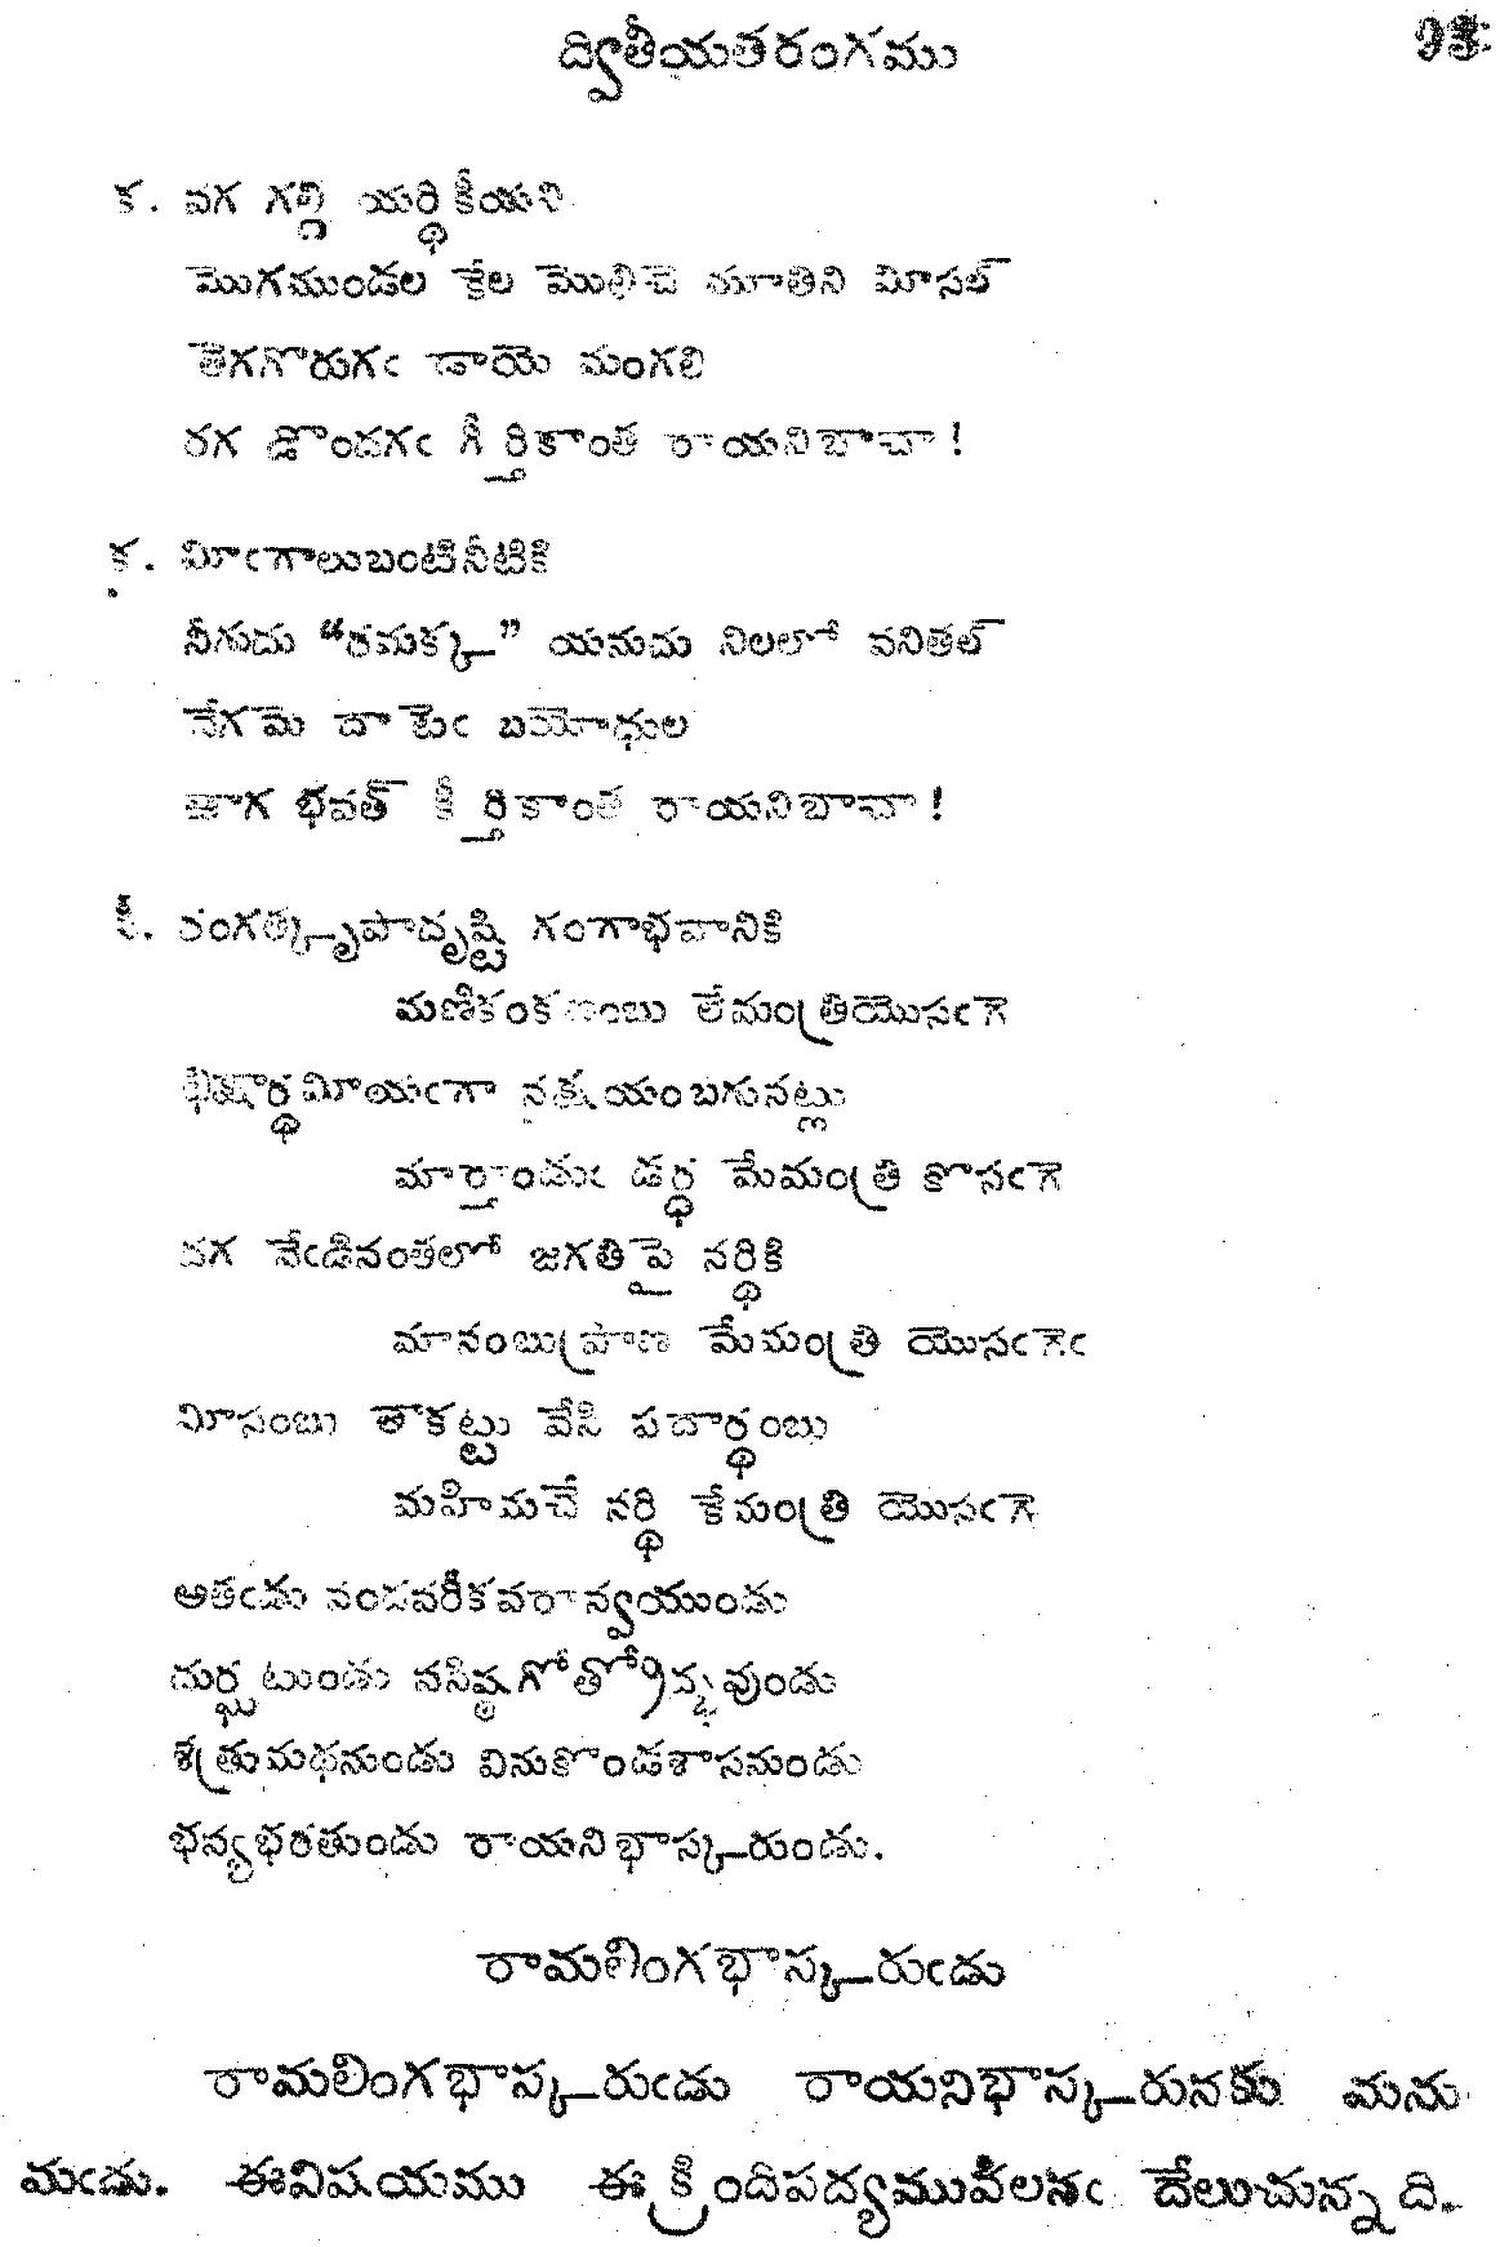క. వగ గల్గి యర్థి కీయని
 మొగముండల కేల మొలిచె మూతిని మీసల్
 తెగగొరుగఁ డాయె మంగలి
 రగ డొందగఁ గీర్తికాంత రాయనిబాచా!

క. మీఁగాలుబంటినీటికి
 నీగుదు “రమక్క” యనుచు నిలలో వనితల్
 వేగమె దాటెఁ బయోధుల
 ఱాగ భవత్ కీర్తికాంత రాయనిబాచా!

సీ. రంగత్కృపాదృష్టి గంగాభవానికి
 మణికంకణంబు లేమంత్రి యొసఁగె
 భిక్షార్థ మీయఁగా నక్షయం బగునట్లు
 మార్తాండుఁ డర్థ మేమంత్రి కొసఁగెఁ
 దగ వేఁడినంతలో జగతిపై నర్థికి
 మానంబు ప్రాణ మేమంత్రి యొసఁగె
 మీసంబు తాకట్టు వేసి పదార్థంబు
 మహిమచే నర్థి కేమంత్రి యొసఁగె
 అతఁడు నందవరీకవరాన్వయుండు
 దుర్ఘటుండు వసిష్ఠగోత్రోద్భవుండు
 శత్రుమథనుండు వినుకొండశాసనుండు
 భవ్యభరతుండు రాయనిభాస్కరుండు.

రామలింగభాస్కరుఁడు రాయనిభాస్కరునకు మనుమఁడు. ఈవిషయము ఈక్రిందిపద్యమువలనఁ దేలుచున్నది.